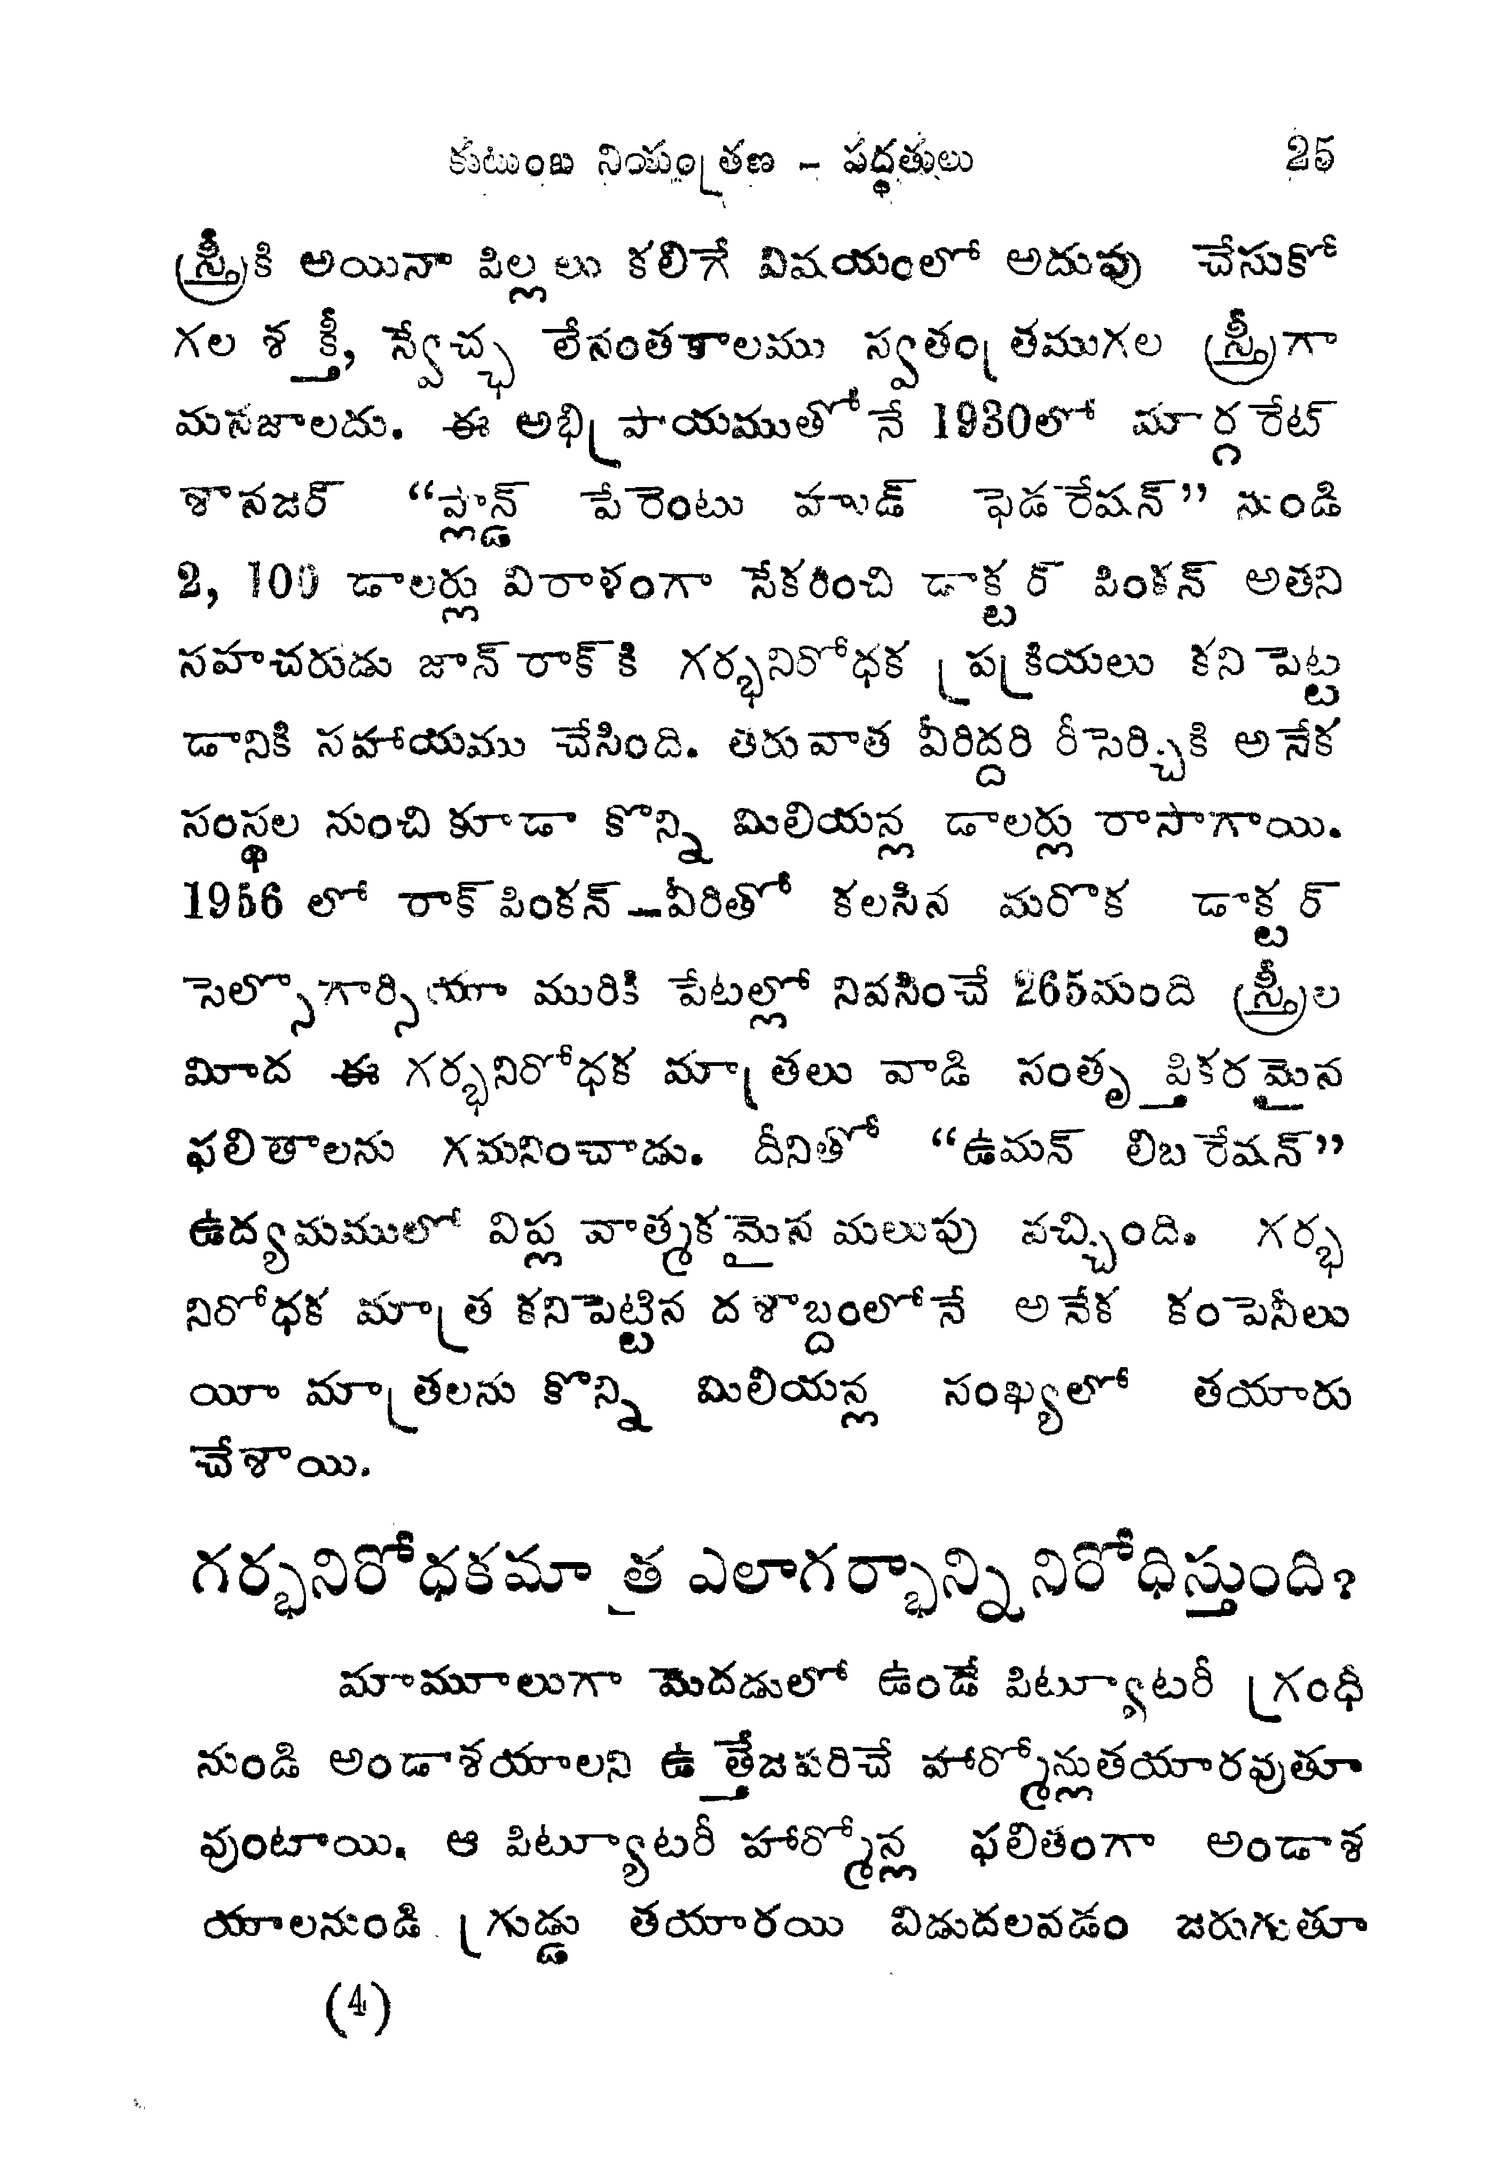స్త్రీకి అయినా పిల్లలు కలిగే విషయంలో అదుపు చేసుకోగల శక్తీ, స్వేచ్ఛ లేనంతకాలము స్వతంత్రముగల స్త్రీగా మనజాలదు. ఈ అభిప్రాయముతోనే 1930 లో మార్గరేట్ శానజర్ "ప్లాన్డ్ పేరెంటు హుడ్ ఫెడరేషన్" నుండి 2,100 డాలర్లు విరాళంగా సేకరించి డాక్టర్ పింకన్ అతని సహచరుడు జాన్ రాక్‌కి గర్భనిరోధక ప్రక్రియలు కనిపెట్టడానికి సహాయము చేసింది. తరువాత వీరిద్దరి రీసెర్చికి అనేక సంస్థల నుంచి కూడా కొన్ని మిలియన్ల డాలర్లు రాసాగాయి. 1956 లో రాక్ పింకన్ - వీరితో కలసిన మరొక డాక్టర్ సెల్సొగార్సియా మురికి పేటల్లో నివసించే 265 మంది స్త్రీల మీద ఈ గర్భనిరోధక మాత్రలు వాడి సంతృప్తికరమైన ఫలితాలను గమనించాడు. దీనితో "ఉమన్ లిబరేషన్" ఉద్యమములో విప్ల వాత్మకమైన మలుపు వచ్చింది. గర్భనిరోధక మాత్ర కనిపెట్టిన దశాబ్దంలోనే అనేక కంపెనీలు యీ మాత్రలను కొన్ని మిలియన్ల సంఖ్యలో తయారు చేశాయి.

మామూలుగా మెదడులో ఉండే పిట్యూటరీ గ్రంధినుండి అండాశయాలని ఉత్తేజపరిచే హార్మోన్లుతయారవుతూ వుంటాయి. ఆ పిట్యూటరీ హార్మోన్ల ఫలితంగా అండాశయాలనుండి గ్రుడ్డు తయారయి విడుదలవడం జరుగుతూ